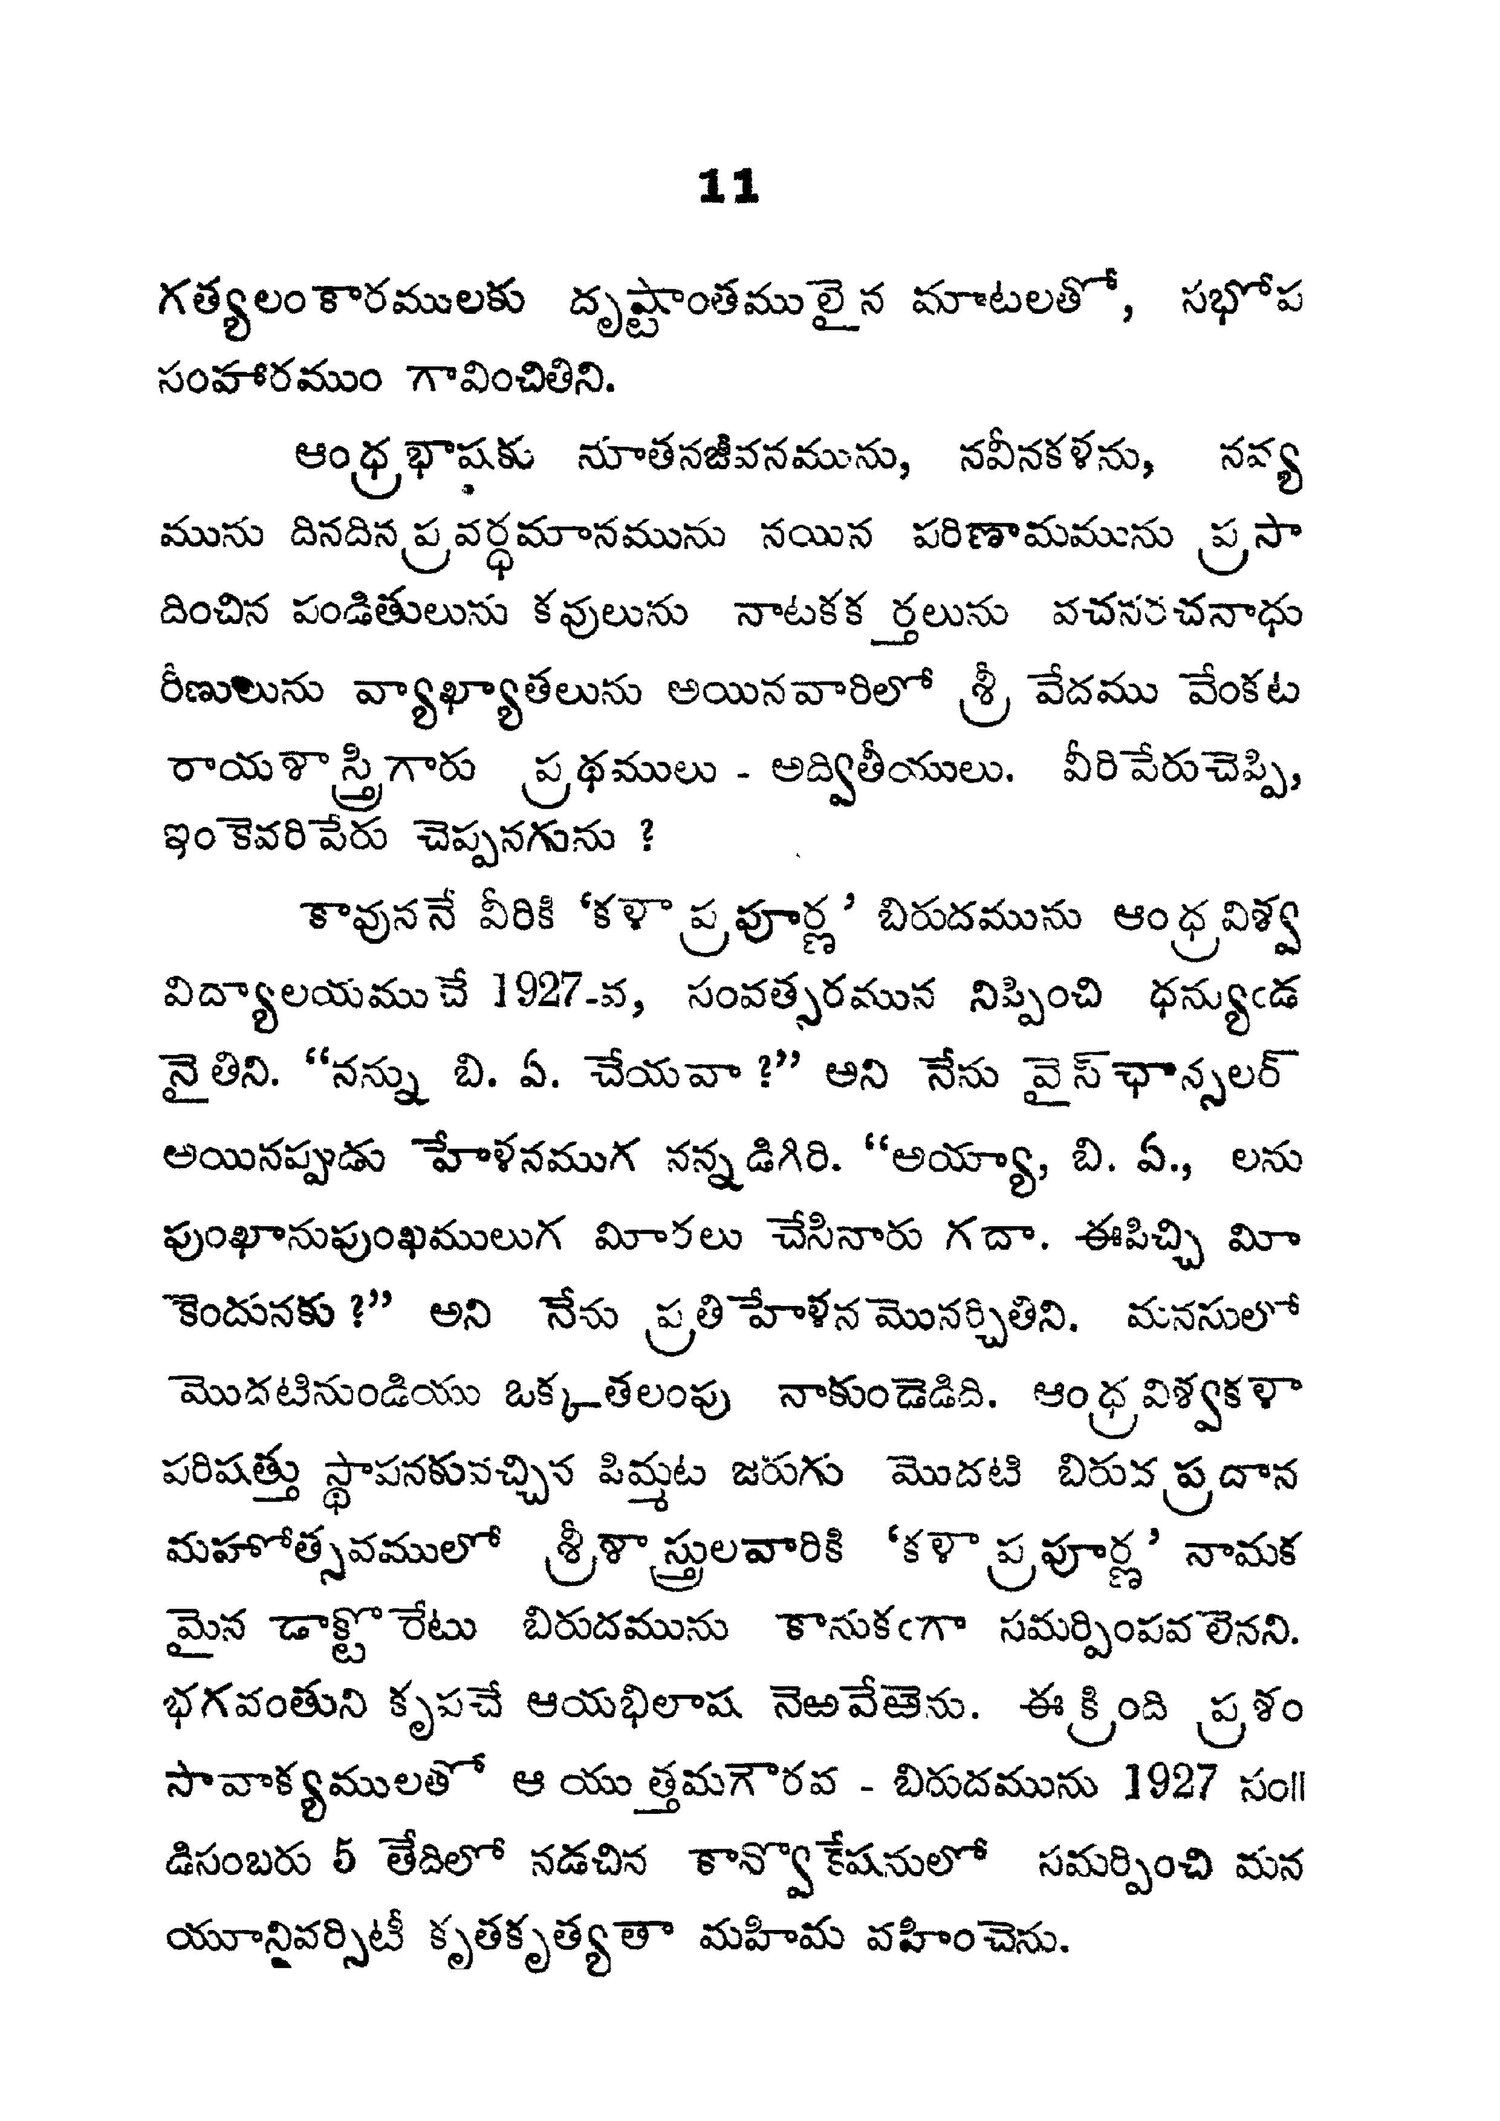గత్యలంకారములకు దృష్టాంతములైన మాటలతో, సభోపసంహారముం గావించితిని.

ఆంధ్రభాషకు నూతనజీవనమును, నవీనకళను, నవ్యమును దినదినప్రవర్ధమానమును నయిన పరిణామమును ప్రసాదించిన పండితులును కవులును నాటకకర్తలును వచనరచనాధు రీణులును వ్యాఖ్యాతలును అయినవారిలో శ్రీ వేదము వేంకటరాయశాస్త్రిగారు ప్రథములు - అద్వితీయులు. వీరిపేరుచెప్పి, ఇంకెవరిపేరు చెప్పనగును?

కావుననే వీరికి 'కళాప్రపూర్ణ' బిరుదమును ఆంధ్ర విశ్వవిద్యాలయముచే 1927 వ, సంవత్సరమున నిప్పించి ధన్యుడనైతిని. "నన్ను బి.ఏ. చేయవా?" అని నేను వైస్‌ఛాన్సలర్ అయినప్పుడు హేళనముగ నన్నడిగిరి. "అయ్యా, బి.ఏ., లను పుంఖానుపుంఖములుగ మీరలు చేసినారు గదా. ఈపిచ్చి మీకెందునకు?" అని నేను ప్రతిహేళనమొనర్చితిని. మనసులో మొదటినుండియు ఒక్కతలంపు నాకుండెడిది. ఆంధ్ర విశ్వకళాపరిషత్తు స్థాపనకువచ్చిన పిమ్మట జరుగు మొదటి బిరుదప్రదాన మహోత్సవములో శ్రీశాస్త్రులవారికి 'కళాప్రపూర్ణ' నామకమైన డాక్టొరేటు బిరుదమును కానుకగా సమర్పింపవలెనని. భగవంతుని కృపచే ఆయభిలాష నెఱవేఱెను. ఈక్రింది ప్రశంసావాక్యములతో ఆ యుత్తమగౌరవ - బిరుదమును 1927 సం. డిసంబరు 5 తేదిలో నడచిన కాన్వొకేషనులో సమర్పించి మన యూనివర్సిటీ కృతకృత్యతా మహిమ వహించెను.